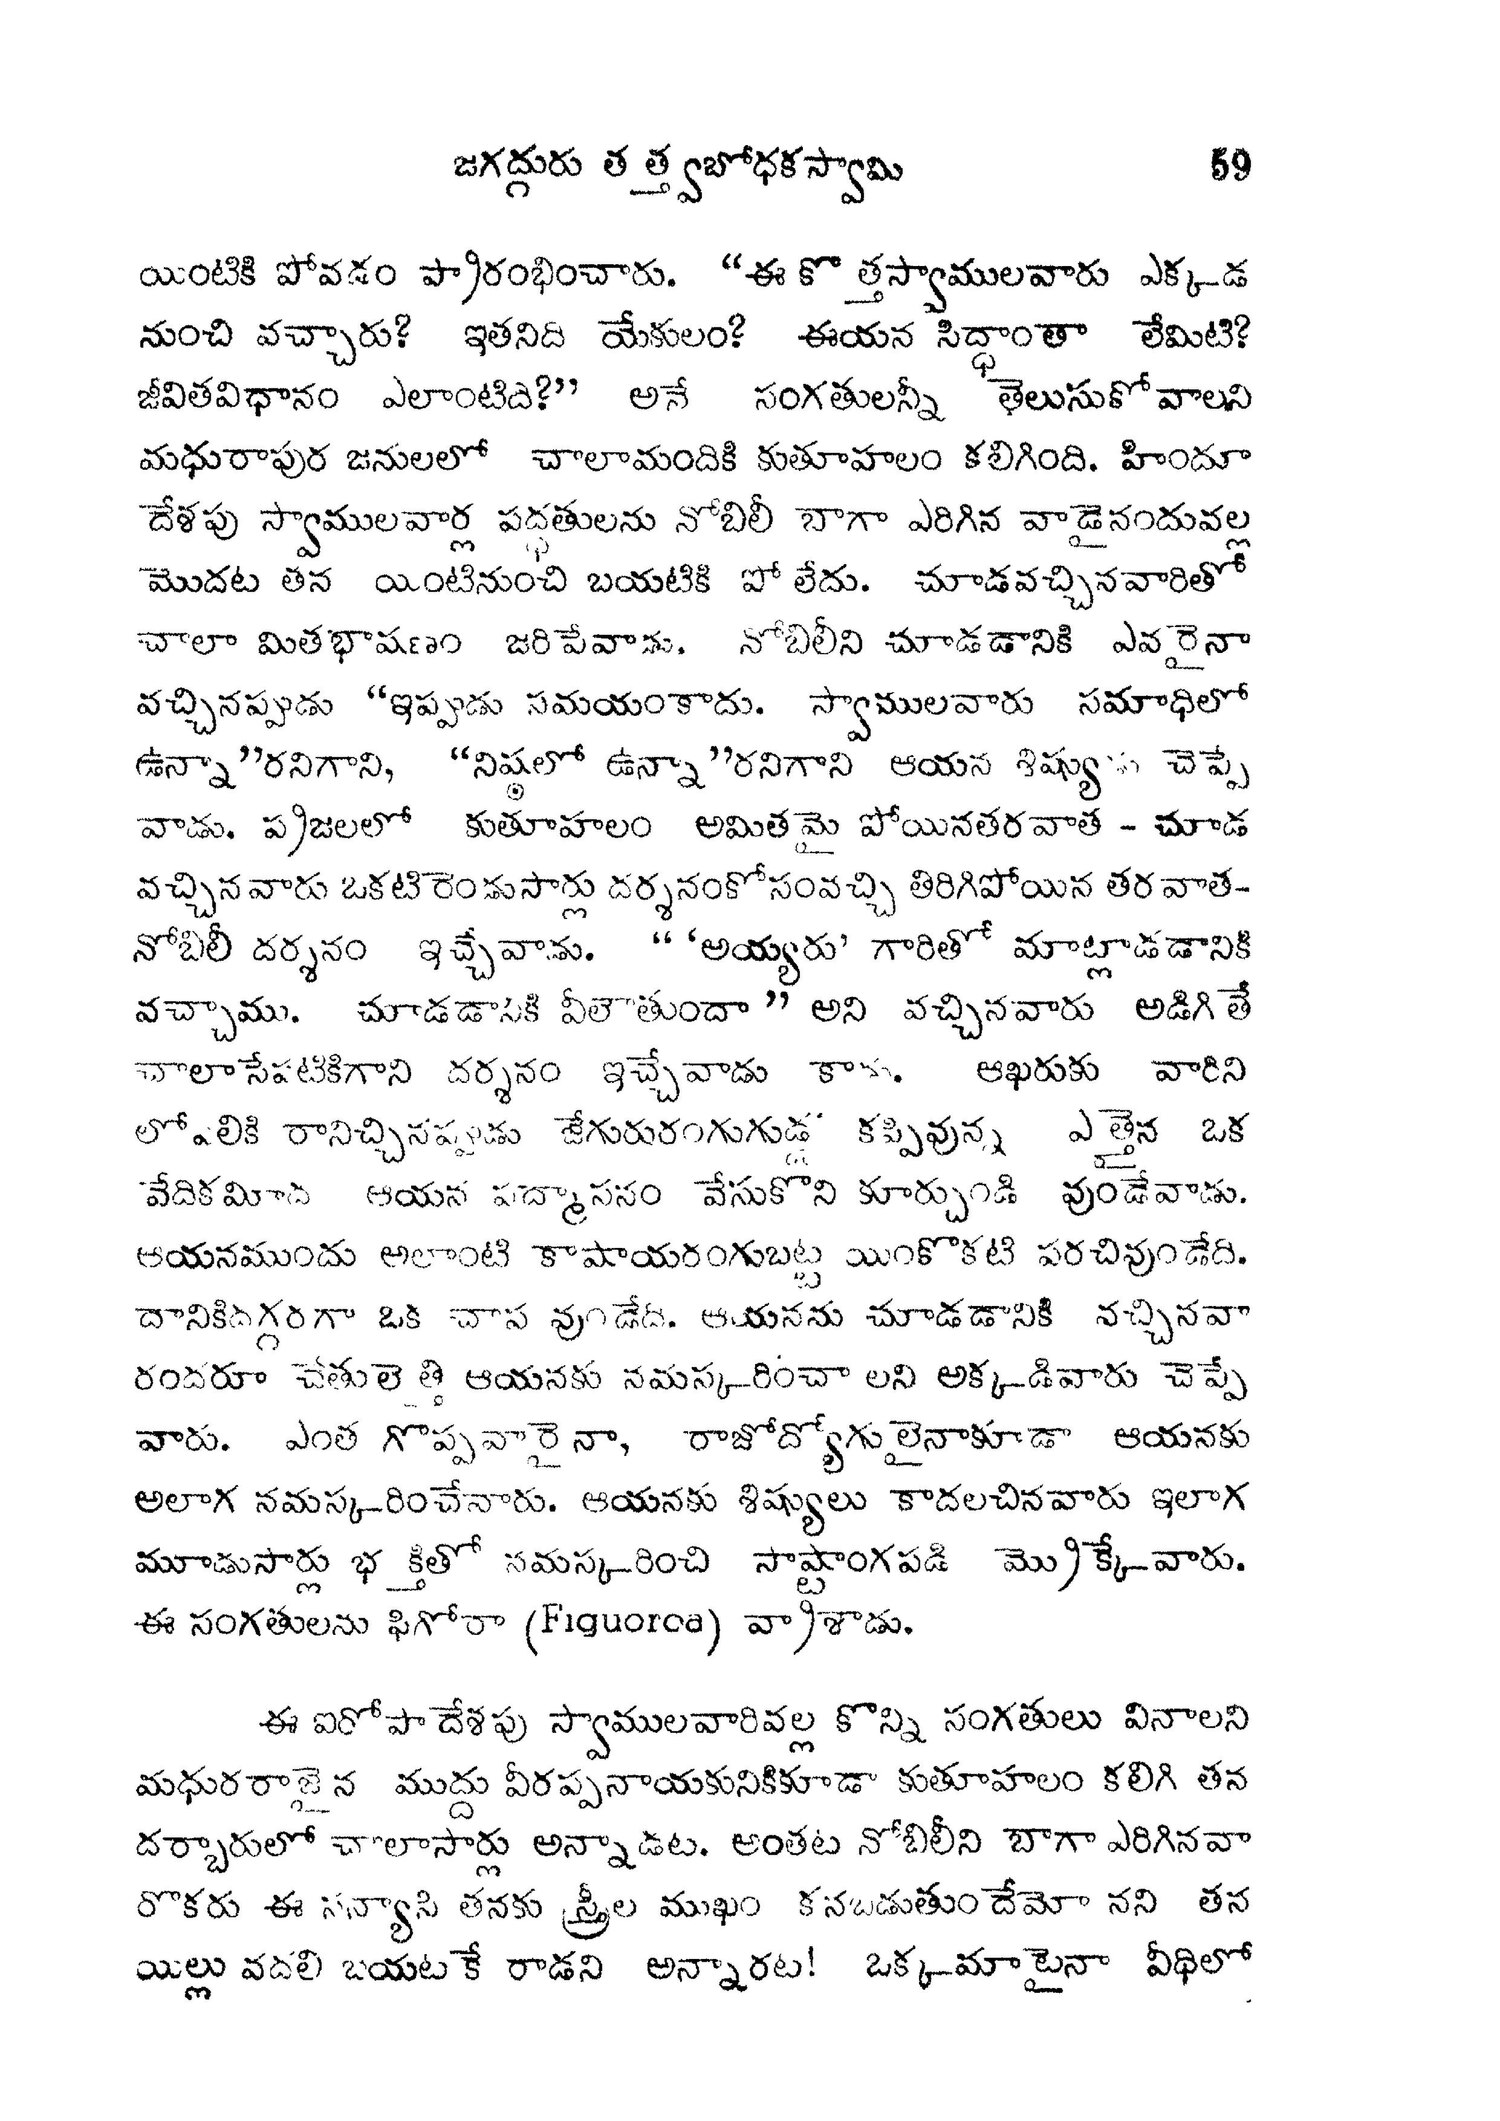యింటికి పోవడం ప్రారంభించారు. "ఈకొత్తస్వాములవారు ఎక్కడ నుంచి వచ్చారు? ఇతనిది యేకులం ఈయన సిద్ధాంతా లేమిటి? జీవితవిధానం ఎలాంటిది?" అనే సంగతులన్నీ తెలుసుకొవాలని మధురాపుర జనులలో చాలా మందికి కుతూహలం కలిగింది. హిందూదేశపు స్వాములవార్ల పద్ధతులను నోబిలీ బాగా ఎరిగిన వాడైనందువల్ల మొదట తన యింటినుంచి బయటికి పోలేదు. చూడవచ్చినవారితో చాలా మితభాషణం జరిపేవారు. నొబిలీని చూడడానికి ఎవరైనా వచ్చినప్పుడు "ఇప్పుడు సమయంకాదు. స్వాములవారు సమాధిలో ఉన్నా"రనిగాని, "నిష్ఠలోఉన్నా"రనిగాని ఆయన శిష్యులు చెప్పేవారు. ప్రజలలో కుతూహలం అమితమై పోయినతరువాత - చూడవచ్చినవారు ఒకటిరెండుసార్లు దర్శనంకోసంవచ్చి తిరిగిపోయిన తరవాత నోబిలీ దర్శనం ఇచ్చేవారు. " 'అయ్యరు ' గారితో మాట్లాడడానికి వచ్చామని చూడడానికి వీలౌతుందా" అని వచ్చినవారు అడిగితే చాలాసేపటికిగాని దర్శనం ఇచ్చేవారు కాదు. ఆఖరుకు వారిని లోపలికి రానిచ్చినప్పుడు జేగురురంగుగుడ్డ కప్పివున్న ఎత్తైన ఒక వేదిక మీద ఆయన పద్మాసనం వేసుకొని కూర్చుండి వుండేవాడు. ఆయనముందు అలాంటి కాషాయరంగుబట్ట యింకొకటి పరిచివుండేది. దానికిదగ్గరగా ఒక చాప వుండేది. ఆయనను చూడడానికి వచ్చినవారందరూ చేతులెత్తి ఆయనకు నమస్కరించా లని అక్కడివారు చెప్పేవారు. ఎంత గొప్పవారైనా, రాజోద్యోగులైనా కూడా ఆయనకు అలాగ నమస్కరించేవారు. ఆయనను శిష్యులు కాదలచినవారు ఇలాగ మూడుసార్లు భక్తితో నమస్కరించి సాష్టాంగపడి మ్రొక్కేవారు. ఈ సంగతులను ఫిగోరా (Figuoroo) వ్రాశారు.

 ఈ ఐరోపాదేశపు స్వాములవారివల్ల కొన్ని సంగతులు వినాలని మధుర రాజైన ముద్దు వీరప్పనాయకునికికూడా కుతూహలం కలిగి తన దర్భారులో చాలాసార్లు అన్నాడట. అంతట నోబిలీని బాగా ఎరిగినవారొకరు ఈ సన్యాసి తనకు స్త్రీల ముఖం కనబడుతుందేమోనని తన యిల్లు వదలి బయటకే రాడని అన్నారట! ఒక్కమాటైనా వీధిలో